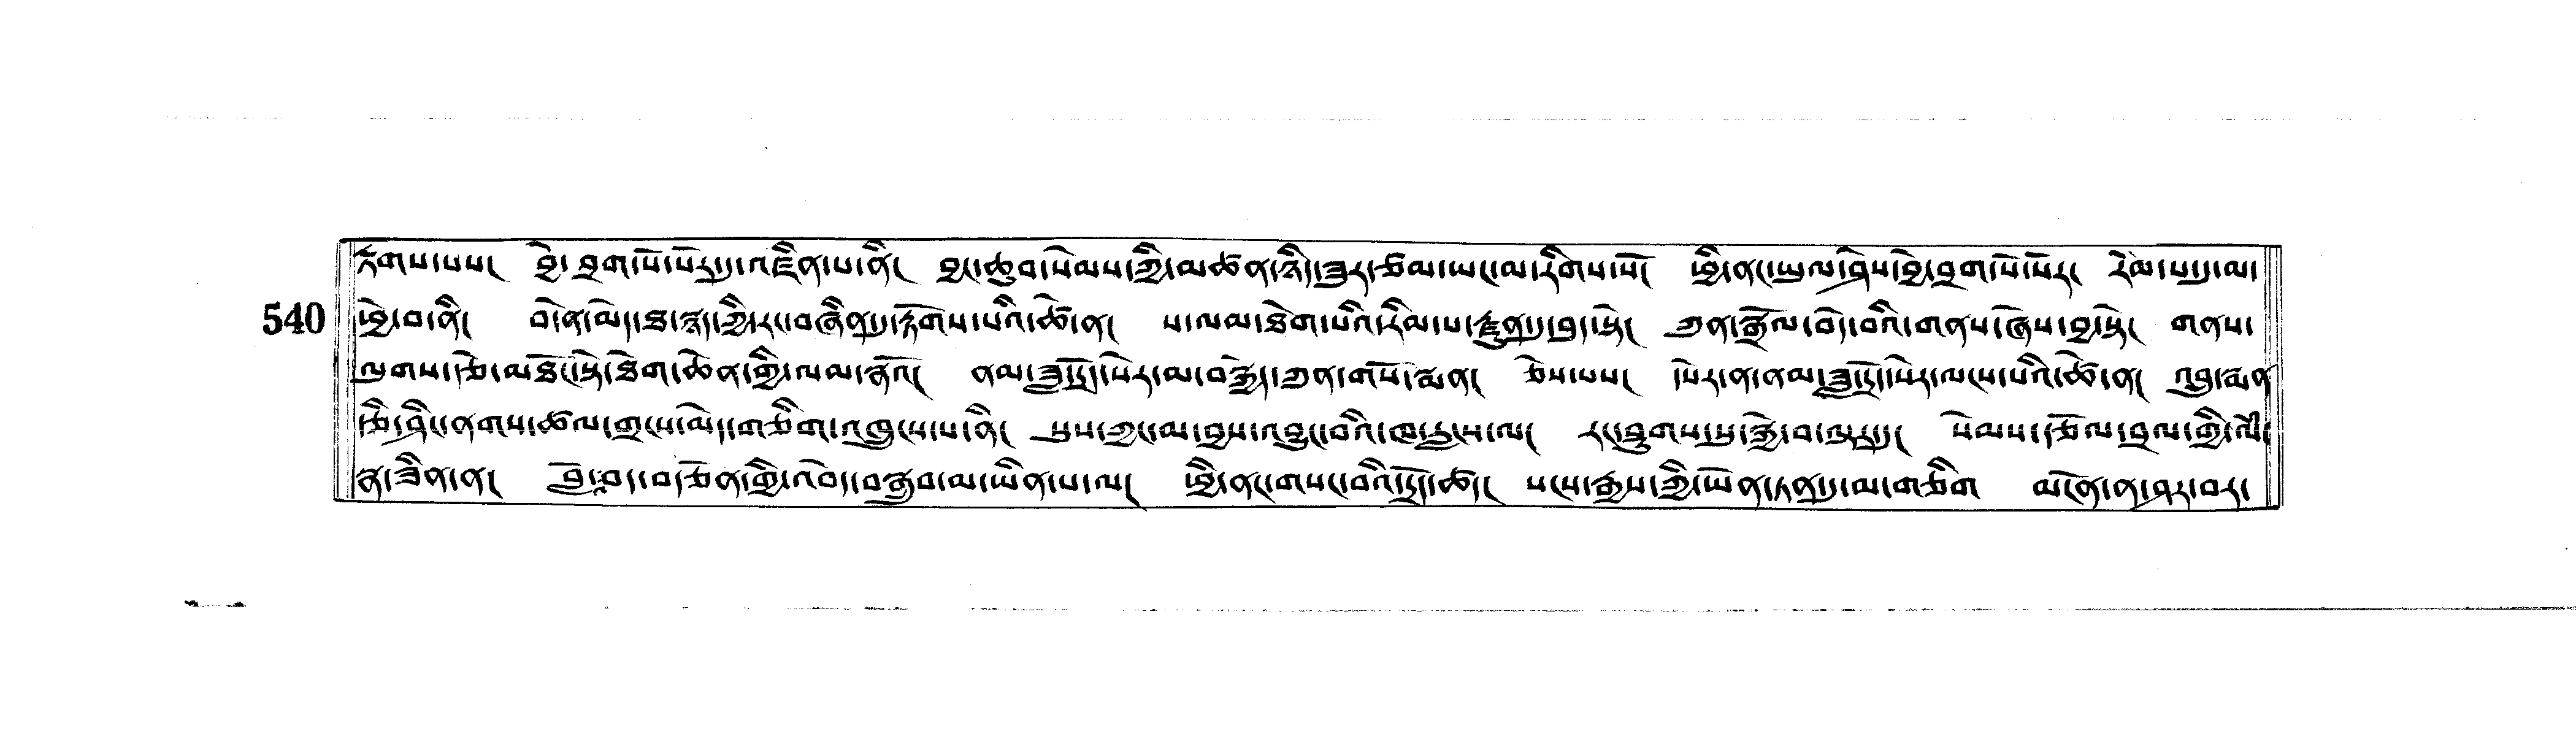རྟོགས་པས་བྱེ་བྲག་སོ་སོར་འཛིན་པ་ནི། བྱང་ཆུབ་སེམས་ཀྱི་མཚན་ཉིད་ཟུར་ཙམ་མ་རིག་གོ ཕྱི་ནང་ཡུལ་ཤེས་བྱེ་བྲག་སོ་སོར། རིམ་པ་དུ་མ་
ཕྱེ་བ་ནི། བདེན་མེད་ཐ་སྙད་ཀྱི་རང་བཞིན་དུ་རྟོགས་པའི་ཚེ་ན། ས་ལམ་ཐེག་པའི་རིམ་པ་རྫུན་དུ་བུད་དེ། ཀུན་སྒྲོལ་བདེ་བའི་གནས་ཞེས་བྱ་སྟེ། གནས་
ལུགས་རྩེ་མཐོང་སྟེ་ཐེག་ཆེན་གྱི་ལམ་སྣའོ། ནམ་ཟླ་དྲོད་སེར་མ་བསྐྱེད་ཀུན་གསོ་སྨན། ཅེས་པས། དཔེར་ན་ནམ་ཟླ་དྲོད་སེར་ལངས་པའི་ཚེ་ན། འབྲུ་སྨན་
རྩི་ཤིང་ནགས་ཚལ་གྲངས་མེད་ཅིག་འཁྲུངས་པ་ནི། སུས་ཀྱང་མ་བྱས་འབྱུང་བའི་ཁ་རླངས་ལ། རང་ཤུགས་སུ་སྐྱེ་བ་ལྟར་དུ། སེམས་རྩོལ་བྲལ་གྱི་ལམ་
སྣ་ཟིན་ན། བློ་འབད་བརྩོན་གྱི་འབད་སྒྲུབ་མ་ཡིན་པ་ལ། ཕྱི་ནང་གསང་བའི་དྲོད་ཚད། སངས་རྒྱས་ཀྱི་ཡོན་ཏན་དུ་མ་གཅིག མངོན་ན་ཤར་བར་